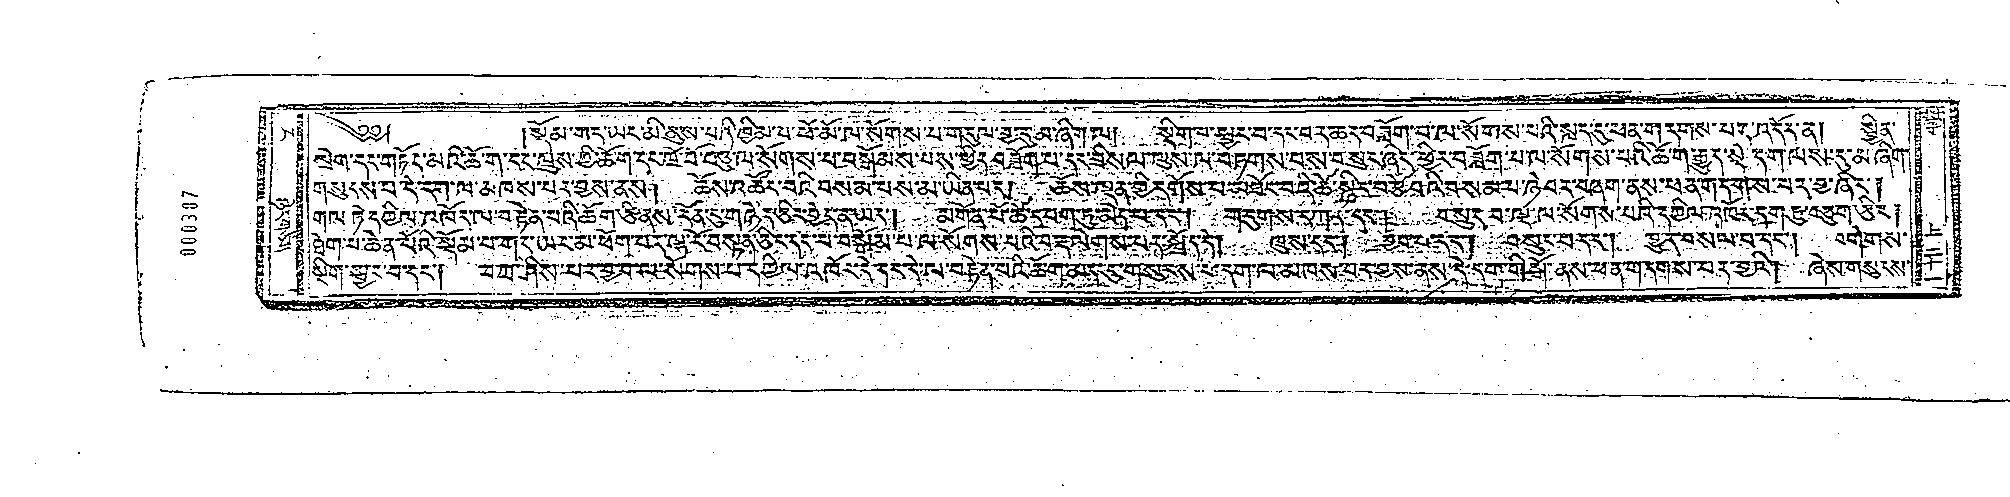༄༅། །སྡོམ་གང་ཡང་མི་ནུས་པའི་ཁྱིམ་པ་ཕོ་མོ་ལ་སོགས་པ་གདུལ་བྱ་དུ་མ་ཞིག་ལ། སྡིག་པ་སྦྱང་བ་དང་བར་ཆད་བཟློག་པ་ལ་སོགས་པའི་སླད་དུ་ཕན་གདགས་པར་འདོད་ན། སྦྱིན་
སྲེག་དང་གཏོད་མའི་ཆོ་ག་དང་ཁྲུས་ཀྱི་ཆོ་ག་དང་ཁྲོ་བོ་བཅུ་ལ་སོགས་པ་བསྒོམས་པས་ཕྱིར་བཟློག་པ་དང་བྲིས་ལ་ལུས་ལ་བཏགས་པས་བསྲུང་ཞིང་ཕྱིར་བཟློག་པ་ལ་སོགས་པའི་ཆོ་ག་རྒྱུད་སྡེ་དག་ལས་དུ་མ་ཞིག་
གསུངས་པ་དེ་དག་ལ་མཁས་པར་བྱས་ནས། ཆོས་འཚོང་བའི་བསམ་པས་མ་ཡིན་པར། ཆོས་ལྡན་གྱི་དགོས་པ་མཐོང་བའི་ཚེ་སྙིང་བརྩེ་བའི་བསམ་པ་ཉེ་བར་བཞག་ནས་ཕན་གདགས་པར་བྱ་ཞིང་།
གལ་ཏེ་དཀྱིལ་འཁོར་ལ་བརྟེན་པའི་ཆོག་ཅི་ནས་དོན་དུ་གཉེར་ཅིང་བྱེད་ན་ཡང་། མགོན་པོ་ཚེ་དཔག་ཏུ་མེད་པ་དང་། གདུགས་དཀར་དང་། བསྲུང་བ་ལྔ་ལ་སོགས་པའི་དཀྱིལ་འཁོར་དག་ཏུ་བཅུག་ཅིང་།
ཐེག་པ་ཆེན་པོའི་སྡོམ་པ་གང་ཡང་མ་ཕོག་པར་ལྷ་ངོ་བསྟན་ཅིང་དད་པ་བསྒོམ་པ་ལ་སོགས་པའི་བརྡ་ལེགས་པར་སྤྲོད་དེ། ཁྲུས་དང་། བྱབ་པ་དང་། བསྲུང་བ་དང་། བྱུང་བསལ་བ་དང་། བགེགས་
སྡིག་སྦྱང་བ་དང་། བཀྲ་ཤིས་པར་བྱ་བ་ལ་སོགས་པ་དཀྱིལ་འཁོར་དེ་དང་དེ་ལ་བརྟེན་པའི་ཆོ་ག་མང་དུ་གསུངས་པ་དག་ལ་མཁས་པར་བྱས་ནས་དེ་དག་གི་སྒོ་ནས་ཕན་གདགས་པར་བྱའི། ཞེས་གསུངས་